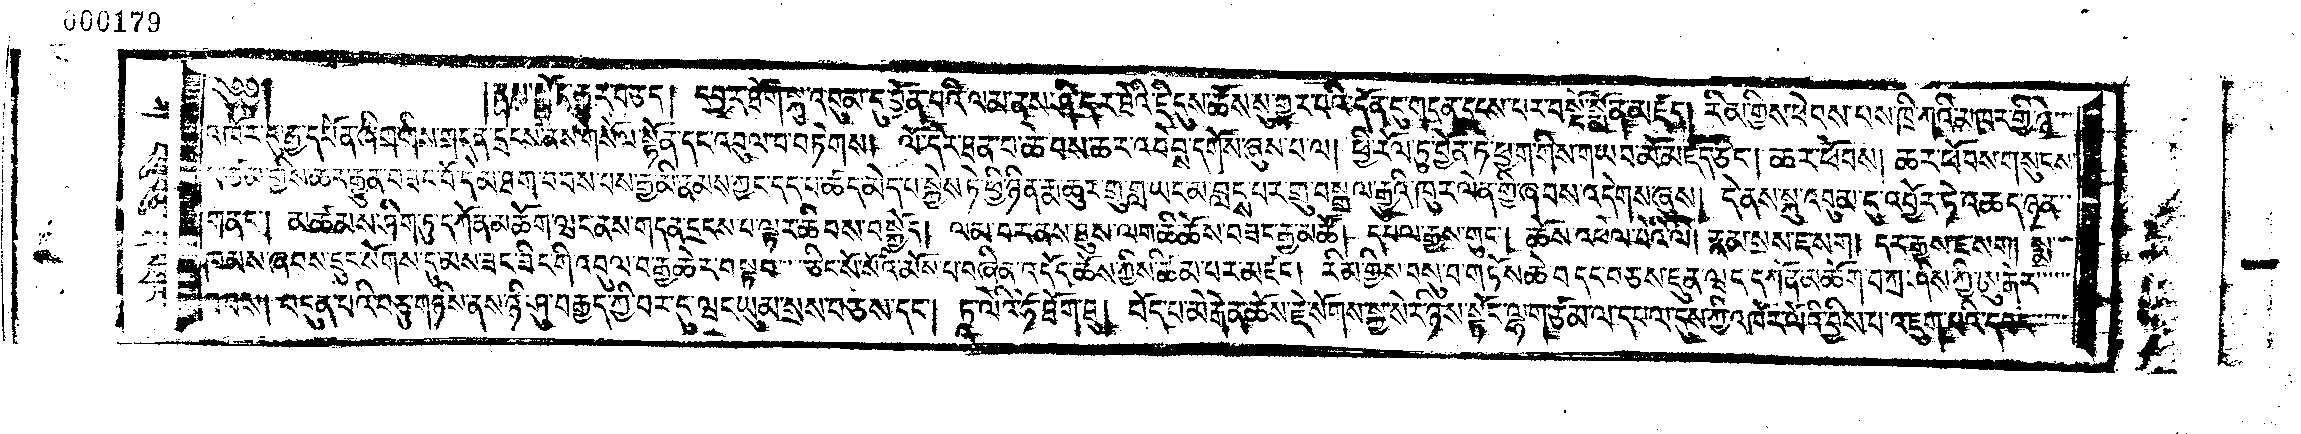༄༅། །ནས་སྤྲོད་རྒྱུར་བཅད། དབྱར་ཐོག་སྐུ་འབུམ་དུ་བྱོན་པའི་ལམ་ནས་ཤི་དར་ཐེའི་ཇི་དུས་ཆོས་སུ་གྱུར་པའི་དོན་དུ་གདན་དྲངས་པར་བསྔོ་སྨོན་མཛད། རིམ་གྱིས་ཕེབས་བས་ཁྲི་ཀའི་མཁར་གྱི་ཉེ་
འཁོར་དུ་རྒྱ་དཔོན་ཞིག་གིས་གདན་དྲངས་ནས་གསོལ་སྟོན་དང་འབུལ་བ་བཏེགས། ལོ་དེར་ཐན་པ་ཆེ་བས་ཆར་འབེབས་དགོས་ཞུས་པ་ལ། ཕྱི་རོལ་ཏུ་བྱོན་ཏེ་ཕྱག་གིས་གཡབ་མོ་མཛད་ཅིང་། ཆར་ཕོབས། ཆར་ཕོབས་གསུངས་
བ་ཙམ་གྱིས་ཆར་རྒྱུན་བཟང་པོ་དེ་མ་ཐག་བབས་པས་རྒྱ་མི་རྣམས་ཀྱང་དད་པ་ཚད་མེད་པ་སྐྱེས་ཏེ་ཕྱི་ཉིན་རྨ་ཆུར་གྲུ་གླ་ཡང་མ་བླངས་པར་གྲུ་བསྒྲལ་རྒྱུའི་ཁུར་ལེན་གྱི་ཞབས་འདེགས་ཞུས། དེ་ནས་སྐུ་འབུམ་དུ་འབྱོར་ཏེ་འཆད་ཉན་
གནང་། མཚམས་ཤིག་ཏུ་དཀོན་མཆོག་ཝང་ནས་གདན་དྲངས་པ་ལྟར་ཆིབས་བསྐྱོད། ལམ་བར་ནས་ཐུས་ལག་ཆི་ཆོས་བཟང་རྒྱ་མཚོ། དཔལ་རྒྱས་གུང་། ཆོས་འཕེལ་པེའི་ལི། རྣམ་སྲས་ཇ་སག། དར་རྒྱས་ཇ་སག། སྨྲ་
ཁམས་ཞབས་དྲུང་སོགས་དུ་མས་ཟང་ཟིང་གི་འབུལ་བ་རྒྱ་ཆེར་བསྟབ་ཅིང་སོ་སོའི་མོས་པ་བཞིན་འདོད་ཆོས་ཀྱིས་ཚིམ་པར་མཛད། རིམ་གྱིས་བསུ་བ་གཏོས་ཆེ་བ་དང་བཅས་ཇུན་ཝང་དཀོན་མཆོག་བཀྲ་ཤིས་ཀྱི་ཨུརྒེར་
བབས། བདུན་པའི་བཅུ་གཉིས་ནས་ཉི་ཤུ་བརྒྱད་ཀྱི་བར་དུ་ཝང་ཡུམ་སྲས་བཅས་དང་། ཏཱ་ལེའི་ཧོ་ཐོག་ཐུ། བོད་པ་མེ་རྒེན་ཆོས་རྗེ་སོགས་སྐྱ་སེར་ཉིས་སྟོང་ལྷག་ཙམ་ལ་དཔལ་དུས་ཀྱི་འཁོར་ལོའི་བྱིས་པ་འཇུག་པའི་དབང་